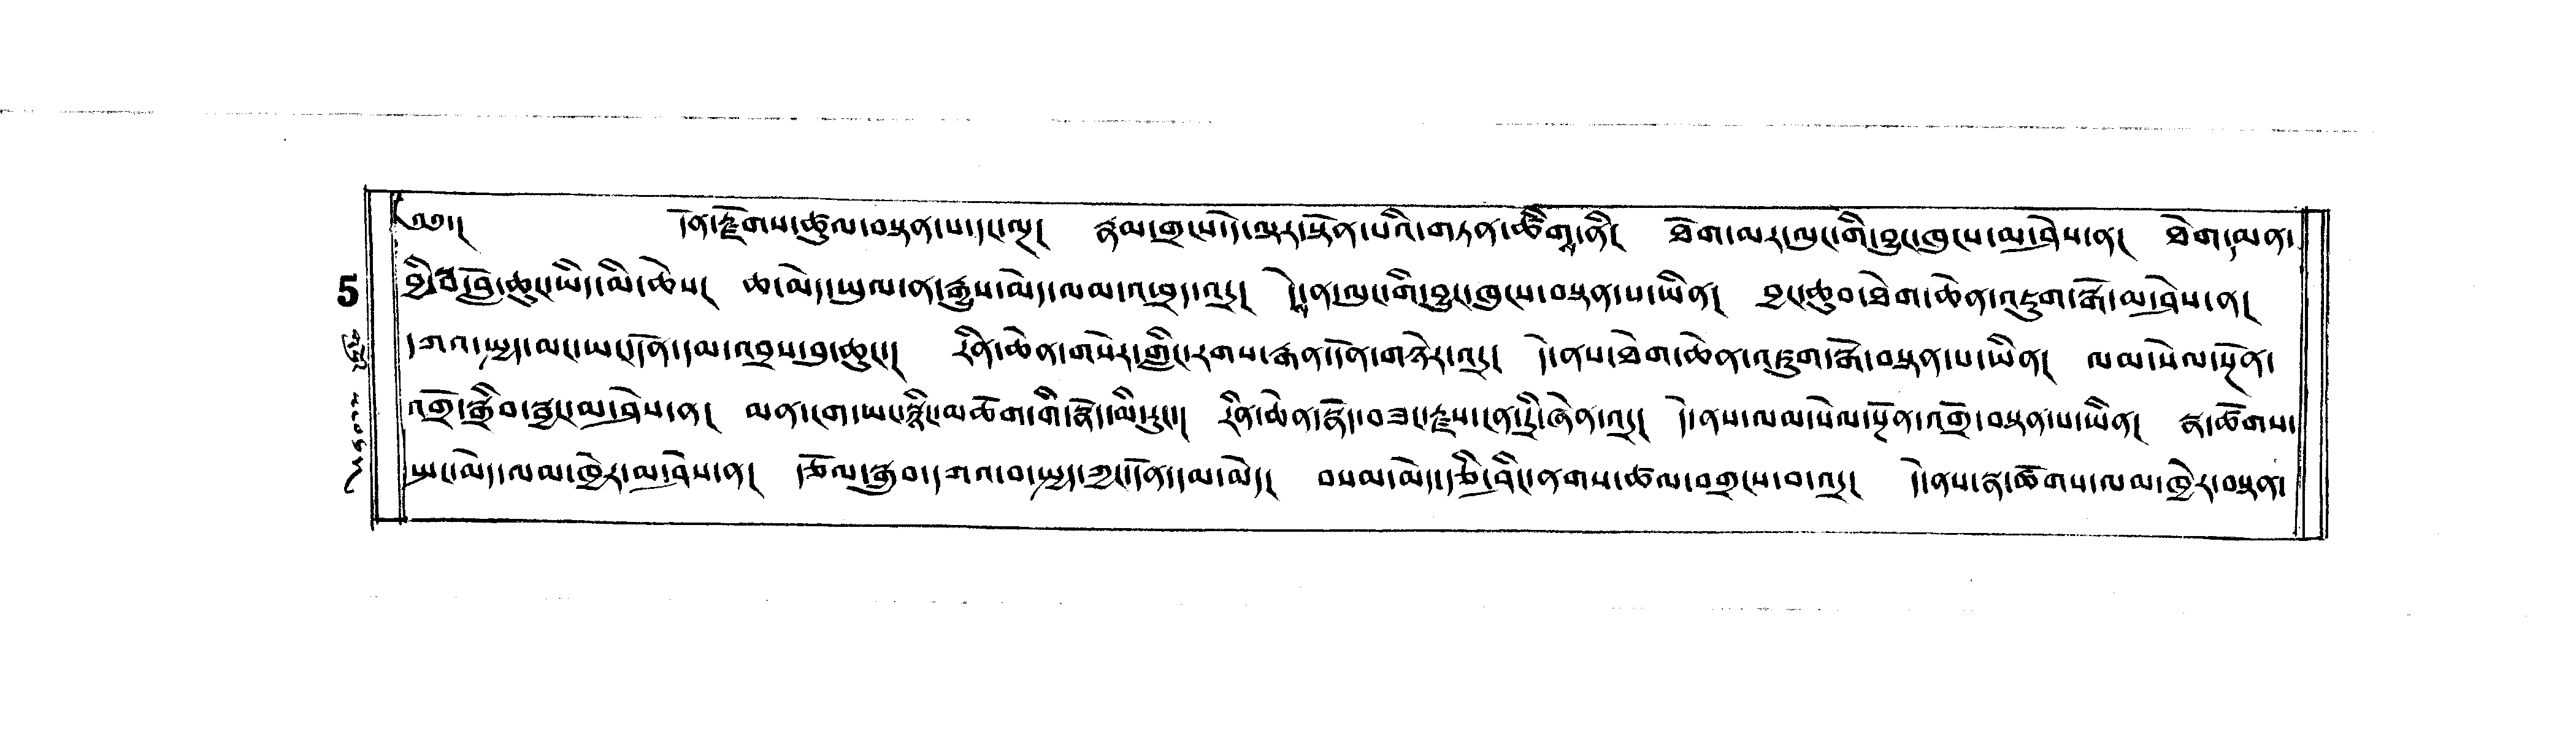དོན་རྫོགས་ཚུལ་བསྟན་པ་དང་ལྔ། རྣམ་གྲངས་དེ་ལྟར་སྟོན་པའི་གཏན་ཚིགས་ནི། ཐོག་མར་ལུང་གི་བྱུང་ཁུངས་མ་ཤེས་ན། ཐེག་དམན་
བྱི་སྦ་བློ་ཆུང་ཡིད་མི་ཆེས། ཆ་མེད་ཡུལ་ན་རྒྱུས་མེད་ལམ་འཕྲད་འདྲ། དེས་ན་ལུང་གི་བྱུང་ཁུངས་བསྟན་པ་ཡིན། བྱང་ཆུབ་ཐེག་ཆེན་འཇུག་སྒོ་མ་ཤེས་ན། 
དཀའ་སྤྱད་མང་ཡང་དོན་དམ་འབྲས་བུ་ཆུང་། རིན་ཆེན་གསེར་གླིང་ར་གན་དོན་གཉེར་འདྲ། དེ་ནས་ཐེག་ཆེན་འཇུག་སྒོ་བསྟན་པ་ཡིན། ལམ་སེལ་སྔོན་
འགྲོ་སྒྲིབ་སྦྱང་མ་ཤེས་ན། མན་ངག་ཡང་སྙིང་མཆོག་གི་སྣོད་མི་རུང་། རིན་ཆེན་སྣོད་བཟང་རྫས་ངན་དྲི་ཞེན་འདྲ། དེ་ནས་ལམ་སེལ་སྔོན་འགྲོ་བསྟན་པ་ཡིན། སྣ་ཚོགས་
སྤང་མེད་ལམ་ཁྱེར་མ་ཤེས་ན། རྩོལ་སྒྲུབ་དཀའ་བ་སྤྱད་ཀྱང་དོན་དམ་མེད། བསམ་མེད་རྩི་ཤིང་ནགས་ཚལ་བགྲང་བ་འདྲ། དེ་ནས་སྣ་ཚོགས་ལམ་ཁྱེར་བསྟན་